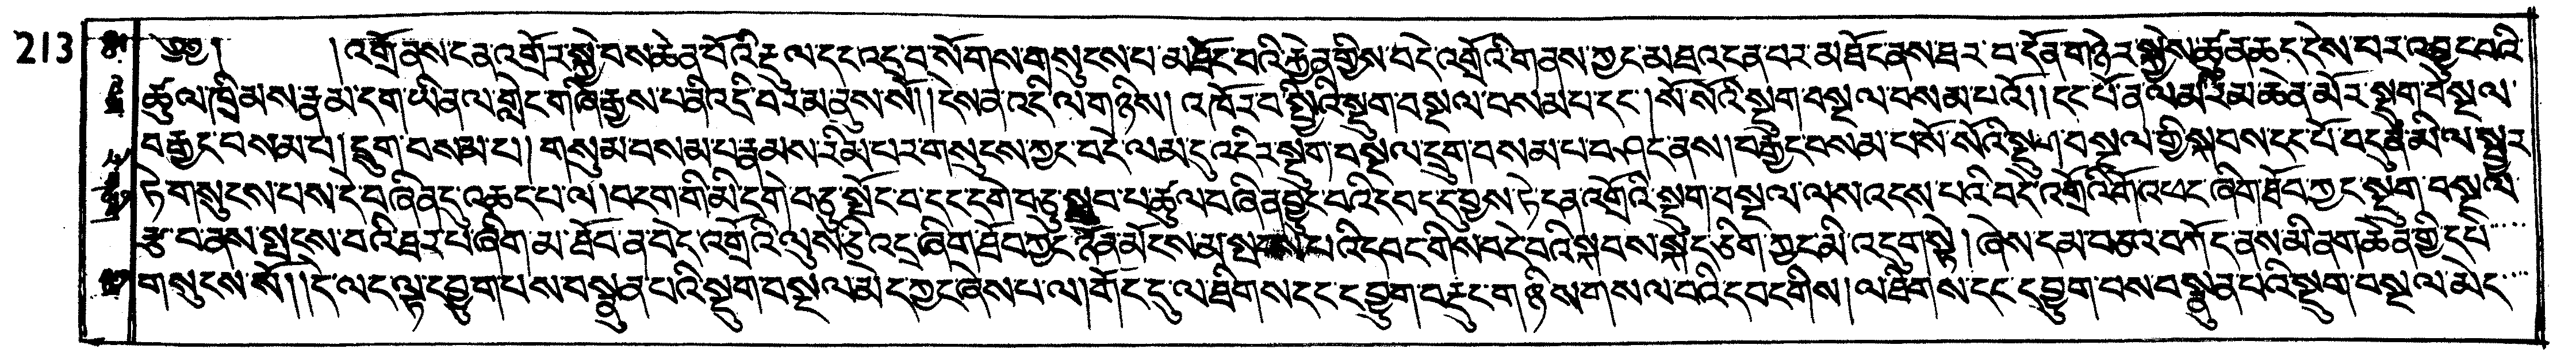༄༅། །འགྲོ་ནས་ངན་འགྲོར་སྐྱེ་བས་ཆེན་པོའི་རྡུལ་དང་འདྲ་བ་སོགས་གསུངས་པ་མཐོང་བའི་རྐྱེན་གྱིས་བདེ་འགྲོའི་གནས་ཀྱང་མཐའ་ངན་པར་མཐོང་ནས་ཐར་བ་དོན་གཉེར་སྐྱེས་ཚུན་ཆད་ངེས་བར་འབྱུང་བའི་
ཚུལ་ཁྲིམས་རྣམ་དག་ཡིན་ལ་གླེང་གཞི་རྒྱས་པ་ནི་འདྲི་བར་མ་ནུས་སོ། །དེས་ན་འདི་ལ་གཉིས། འཁོར་བ་སྤྱིའི་སྡུག་བསྔལ་བསམ་པ་དང་། སོ་སོའི་སྡུག་བསྔལ་བསམ་པའོ། །དང་པོ་ན་ལམ་རིམ་ཆེན་མོར་སྡུག་བསྔལ་
བརྒྱད་བསམ་པ། དྲུག་བསམ་པ། གསུམ་བསམ་པ་རྣམས་རིམ་པར་གསུངས་ཀྱང་བདེ་ལམ་དུ་འདིར་སྡུག་བསྔལ་དྲུག་བསམ་པ་བཤད་ནས། བརྒྱད་བསམ་པ་སོ་སོའི་སྡུག་བསྔལ་གྱི་སྐབས་དང་པོ་བདུན་མི་ལ་སྦྱར་
ཏེ་གསུངས་པས་དེ་བཞིན་དུ་འཆད་པ་ལ། བདག་གི་མི་དགེ་བཅུ་སྤོང་བ་དང་དགེ་བཅུ་སྒྲུབ་པ་ཚུལ་བཞིན་བྱུང་བའི་དབང་དུ་བྱས་ཏེ་ངན་འགྲོའི་སྡུག་བསྔལ་ལས་འདས་པའི་བདེ་འགྲོའི་གོ་འཕང་ཞིག་ཐོབ་ཀྱང་སྡུག་བསྔལ་
རྩ་བ་ནས་སྤངས་པའི་ཐར་པ་ཞིག་མ་ཐོབ་ན་བདེ་འགྲོའི་ལུས་ཅི་འདྲ་ཞིག་ཐོབ་ཀྱང་ཉོན་མོངས་མ་སྤངས་པའི་དབང་གིས་བདེ་བའི་སྐབས་སྐད་ཅིག་ཀྱང་མི་འདུག་སྟེ། ཞེས་དམ་བཅའ་བཀོད་ནས་མི་ནག་ཆེན་གྱི་དཔེ་
གསུངས་སོ། །དེ་ལད་ལྟ་དབྱུག་པས་བསྣུན་པའི་སྡུག་བསྔལ་མེད་ཀྱང་ཞེས་པ་ལ། གོང་དུ་ལ་ཐིགས་དང་དབྱུག་བརྡུང་གཉིས་གསལ་བའི་དབང་གིས། ལ་ཐིགས་དང་དབྱུག་པས་བསྣུན་པའི་སྡུག་བསྔལ་མེད་